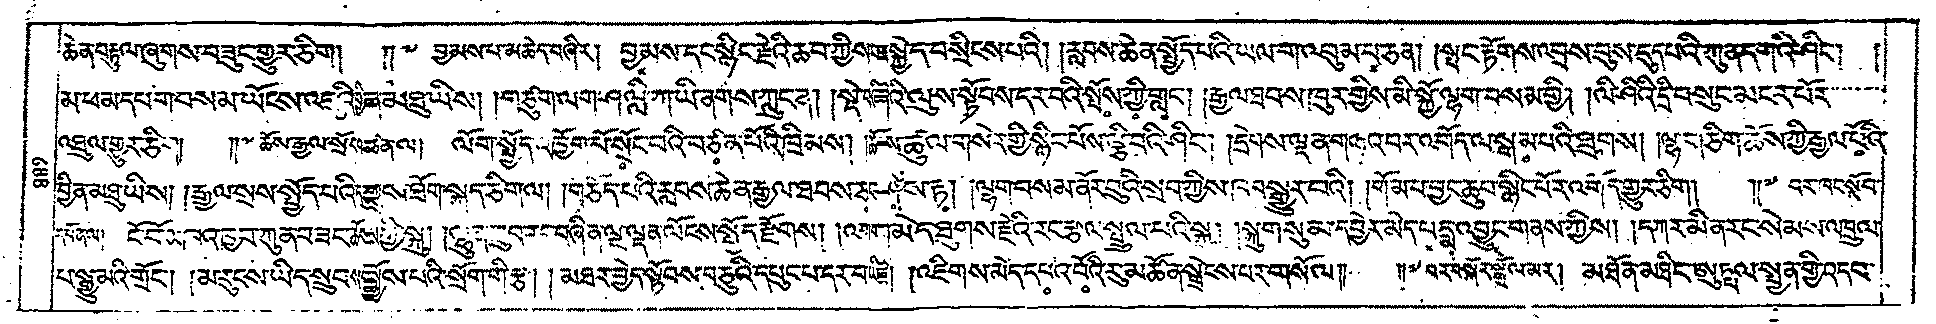ཆེན་བརྟུལ་ཞུགས་བཟུང་གྱུར་ཅིག ། །།༧་བྱམས་པ་མཆེད་བཞིར།  བྱམས་྾་དང་སྙིང་རྗེའི་ཆབ་ཀྱིས་བསྐྱེད་བསྲིངས་པའི། །རླབས་ཆེན་སྤྱོད་པའི་ཡལ་ག་འབུམ་པ་྾་ཅན། །སྤང་རྟོགས་འབྲས་བུས་དུད་པའི་ཀུན་དགའི་ཤིང་། །
མ་ཕམ་དཔག་བསམ་ཡོངས་འདུའི་བྱིན་མཐུ་ཡིས། །གཙུག་ལག་ཤལླི་ཀ་ཡི་ནགས་ཀླུང་ན། །སྡེ་བཞིའི་ལུས་སྟོབས་དར་བའི་སྤོས྾་ཀྱི྾་གླང྾། །རྒྱལ་ཐབས་ཁུར་གྱིས་མི་སྐྱོ་ལྷག་བསམ་གྱི། །ལི་ཤིའི་དྲི་བསུང་མངར་པོར་
འཐུལ་གྱུར་ཅིག ། །།༧་ཆོས་རྒྱལ་སྲོང་བཙན་ལ།  ལོག་སྤྱོད་འཁྱོག་པོ་སྲོང྾་བའི་བཙན྾་པོའི་ཁྲིམས། །ཆོས་ཚུལ་གསེར་གྱི་སྙིང་པོས་ལྕི་བའི་ཤིང་། །དྲེགས་ལྡན་གཉའ་བར་འདྒོད་ལ་སྒམ྾་པའི་ཐུགས། །ལྷ་གཅིག་ཆོས་ཀྱི་རྒྱལ་པོའི྾་
བྱིན་མཐུ་ཡིས། །རྒྱལ་སྲས་སྤྱོད་པའི་དཀྱུས་ཐོག་སྐད་ཅིག་ལ། །གཅོད་པའི་རླབས་ཆེན་རྒྱལ་ཐབས་ཅང྾་ཤེས྾་རྟ྾། །ལྷག་བསམ་ནོར་བུའི་སྲབ་ཀྱིས་ཁ་བསྒྱུར་བའི། །གོམ་པ་བྱང་ཆུབ་སྙིང་པོར་འགོད་གྱུར་ཅིག ། །།༧་བར་ཁང་སློབ་
དཔོན་ལ། ངོ་བོ་མཁའ་ཁྱབ་ཀུན་བཟང་ཆོས་ཀྱི་སྐུ། །ལྷུན་གྲུབ་རང་བཞིན་ལྔ་ལྡན་ལོངས་སྤྱོད་རྫོགས། །འགག་མེད་ཐུགས་རྗེའི་རང་རྩལ་སྤྲུལ་པའི་སྐུ། །སྐུ་གསུམ་དབྱེར་མེད་པདམ་྾་འབྱུང་྾་གནས་ཀྱིས། །དཀར་མིན་རང་སེམས་འཁྲུལ་
པ་སྒྱུ་མའི་གྲོང་། །མ་རུངས་ཡིད་སྲུབས་སྨྱོས་པའི་སྲོག་གི་རྩ། །མཐར་བྱེད་སྟོབས་བཅུའི་དཔུང་པ་དར་བ་ཡི། །འཇིགས་མེད་དཔའ྾་བོའི྾་རུ་མཚོན་སྒྲེངས་པར་གསོལ།། །།༧་བར་བསྐོར་སྒྲོལ་མར།  མཐོན་མཐིང་ཨུཏྤལ་སྤྱན་གྱི་འདབ་